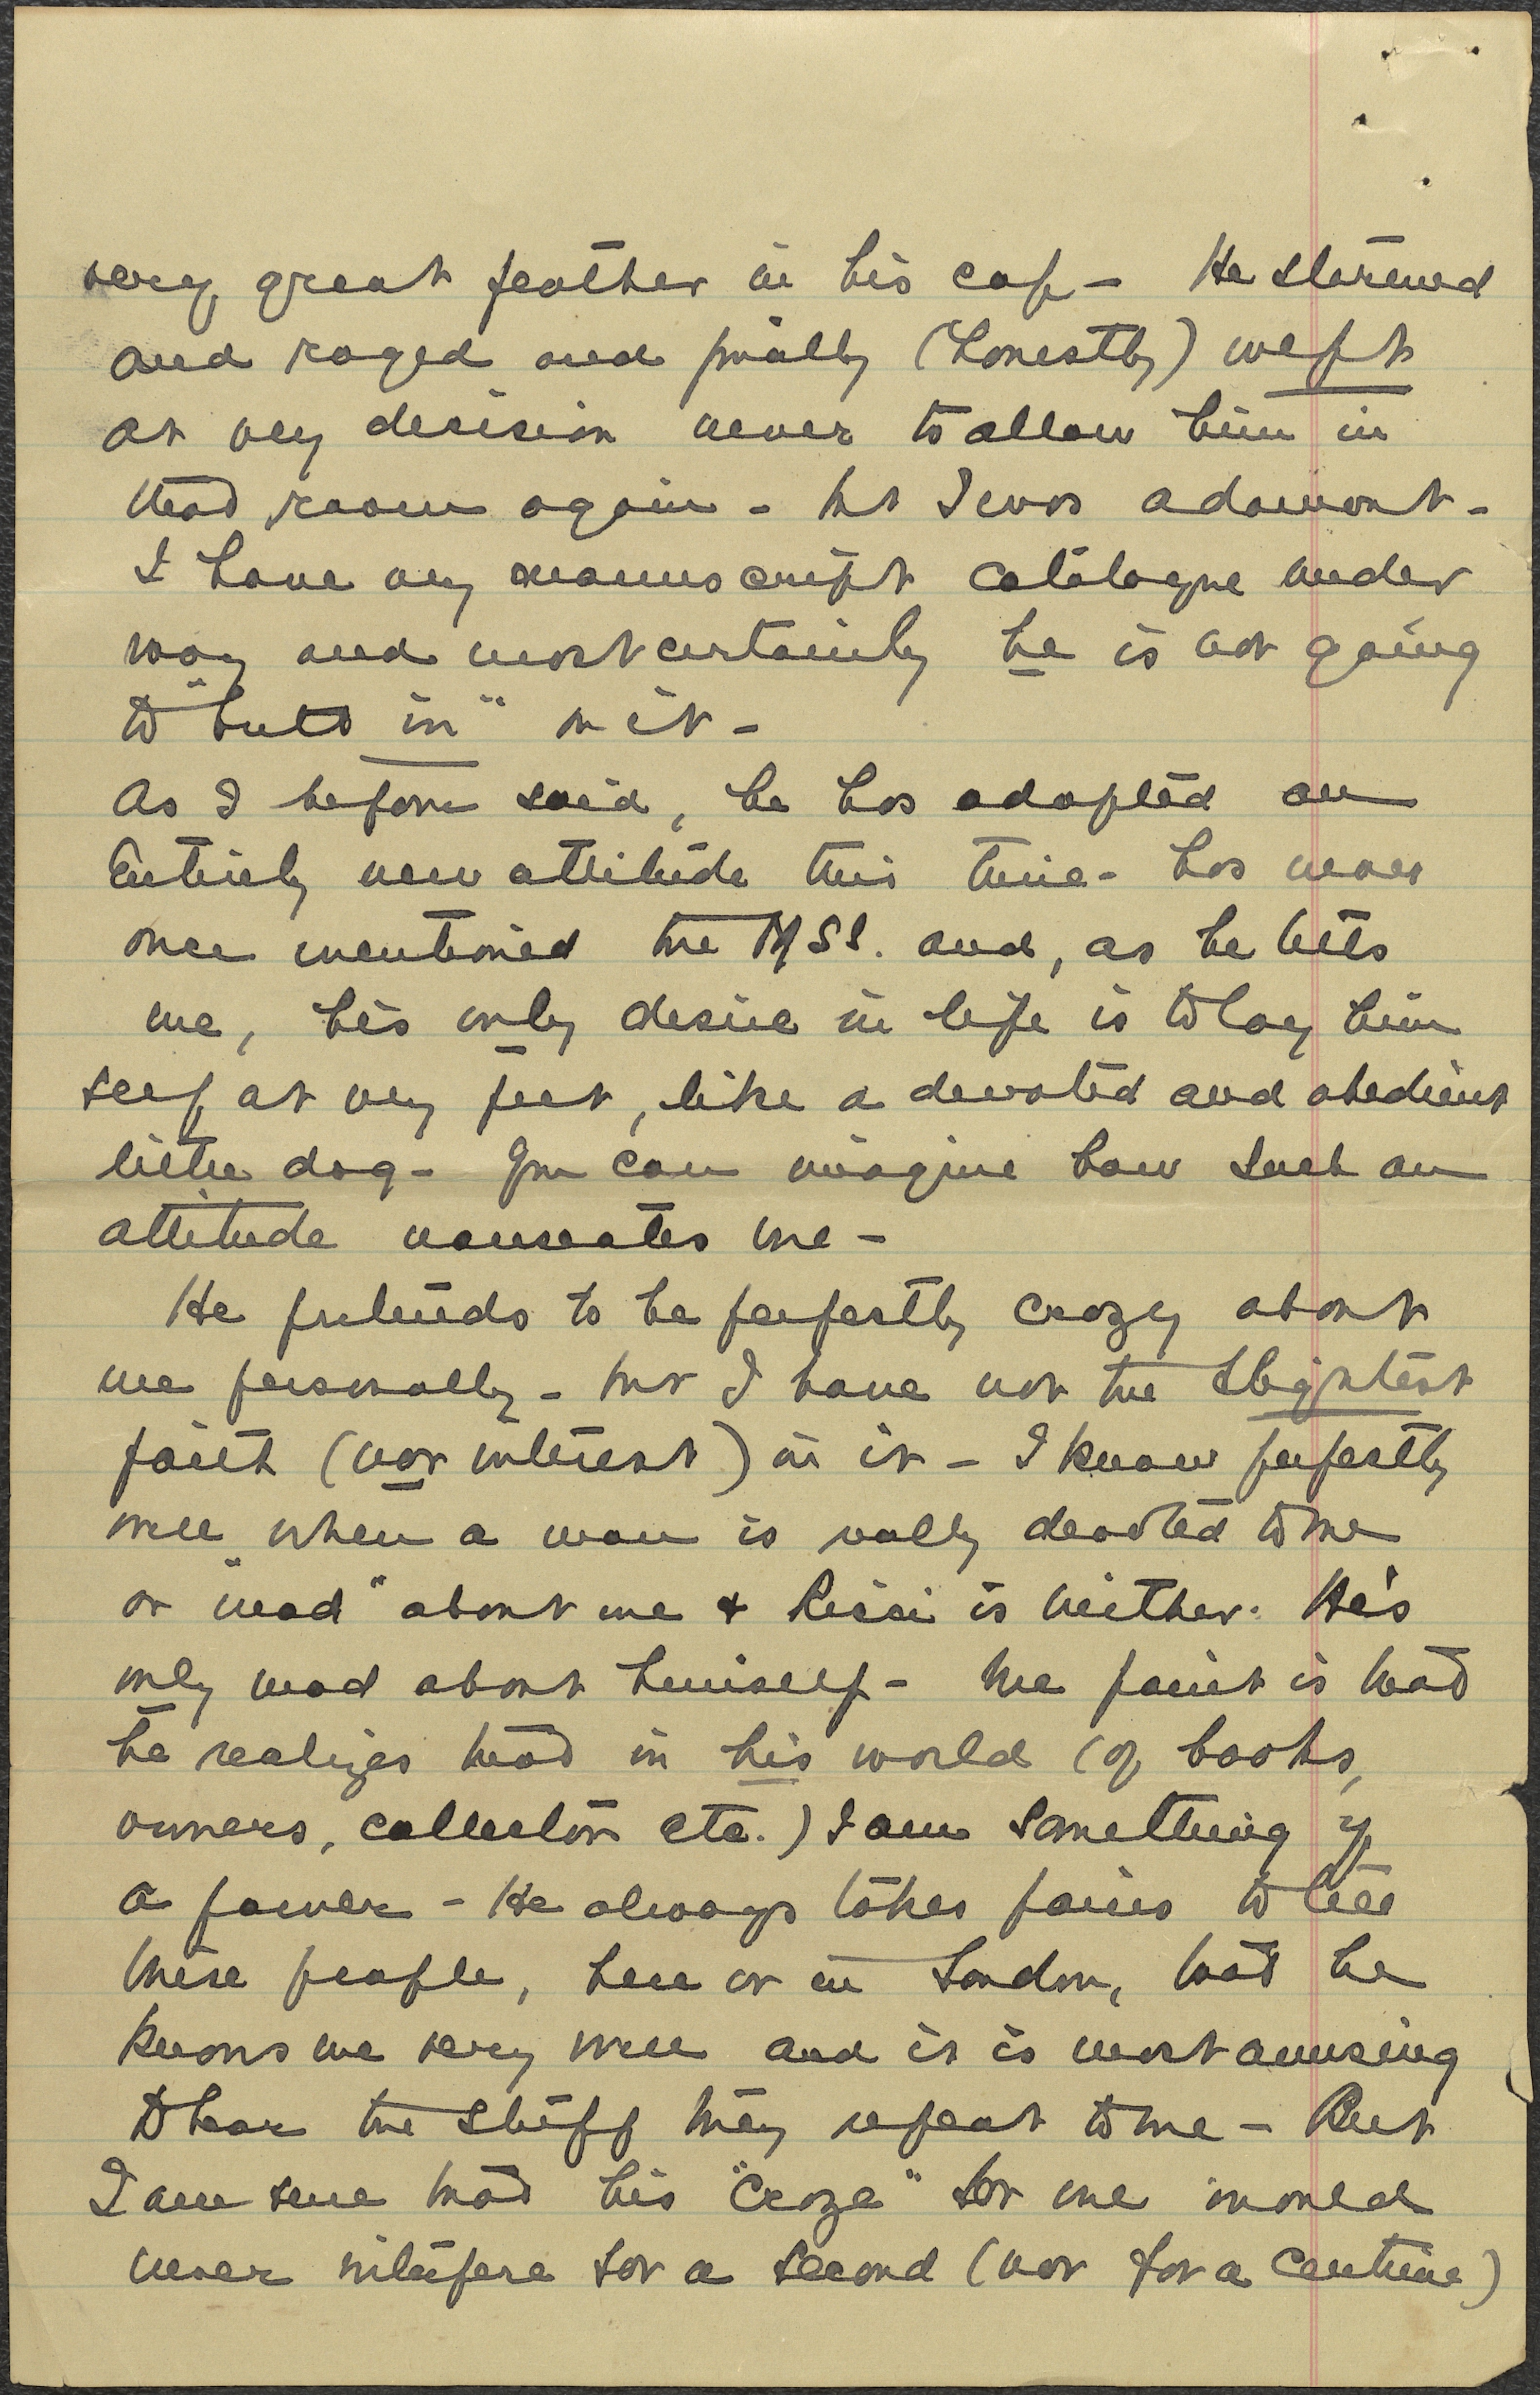very great feather in his cap – he stormed and raged and finally (honestly) wept at my decision never to allow him in that room again – but I was adamant – I have my manuscript catalogue under way and most certainly he is not going "butt in" on it.
As I before said, he has adopted an entirely new attitude this time – has never once mentioned the MSS. and, as he tells me, his only desire in life is to lay him self [sic] at my feet, like a devoted and obedient little dog – You can imagine how such an attitude nauseates me –
He pretends to be perfectly crazy about me personally – but I have not the slightest faith (nor interest) in it – I know perfectly well when a man is really devoted to me or "mad" about me & Ricci is neither. He's only mad about himself – the point is that he realizes that in his world (of books, owners, collectors etc.) I am something of a power – He always takes pains to tell these people, here or in London, that he knows me very well and it is most amusing to hear the stuff they repeat to me – But I am sure that his "craze" for me would never interfere for a second (nor for a centime)